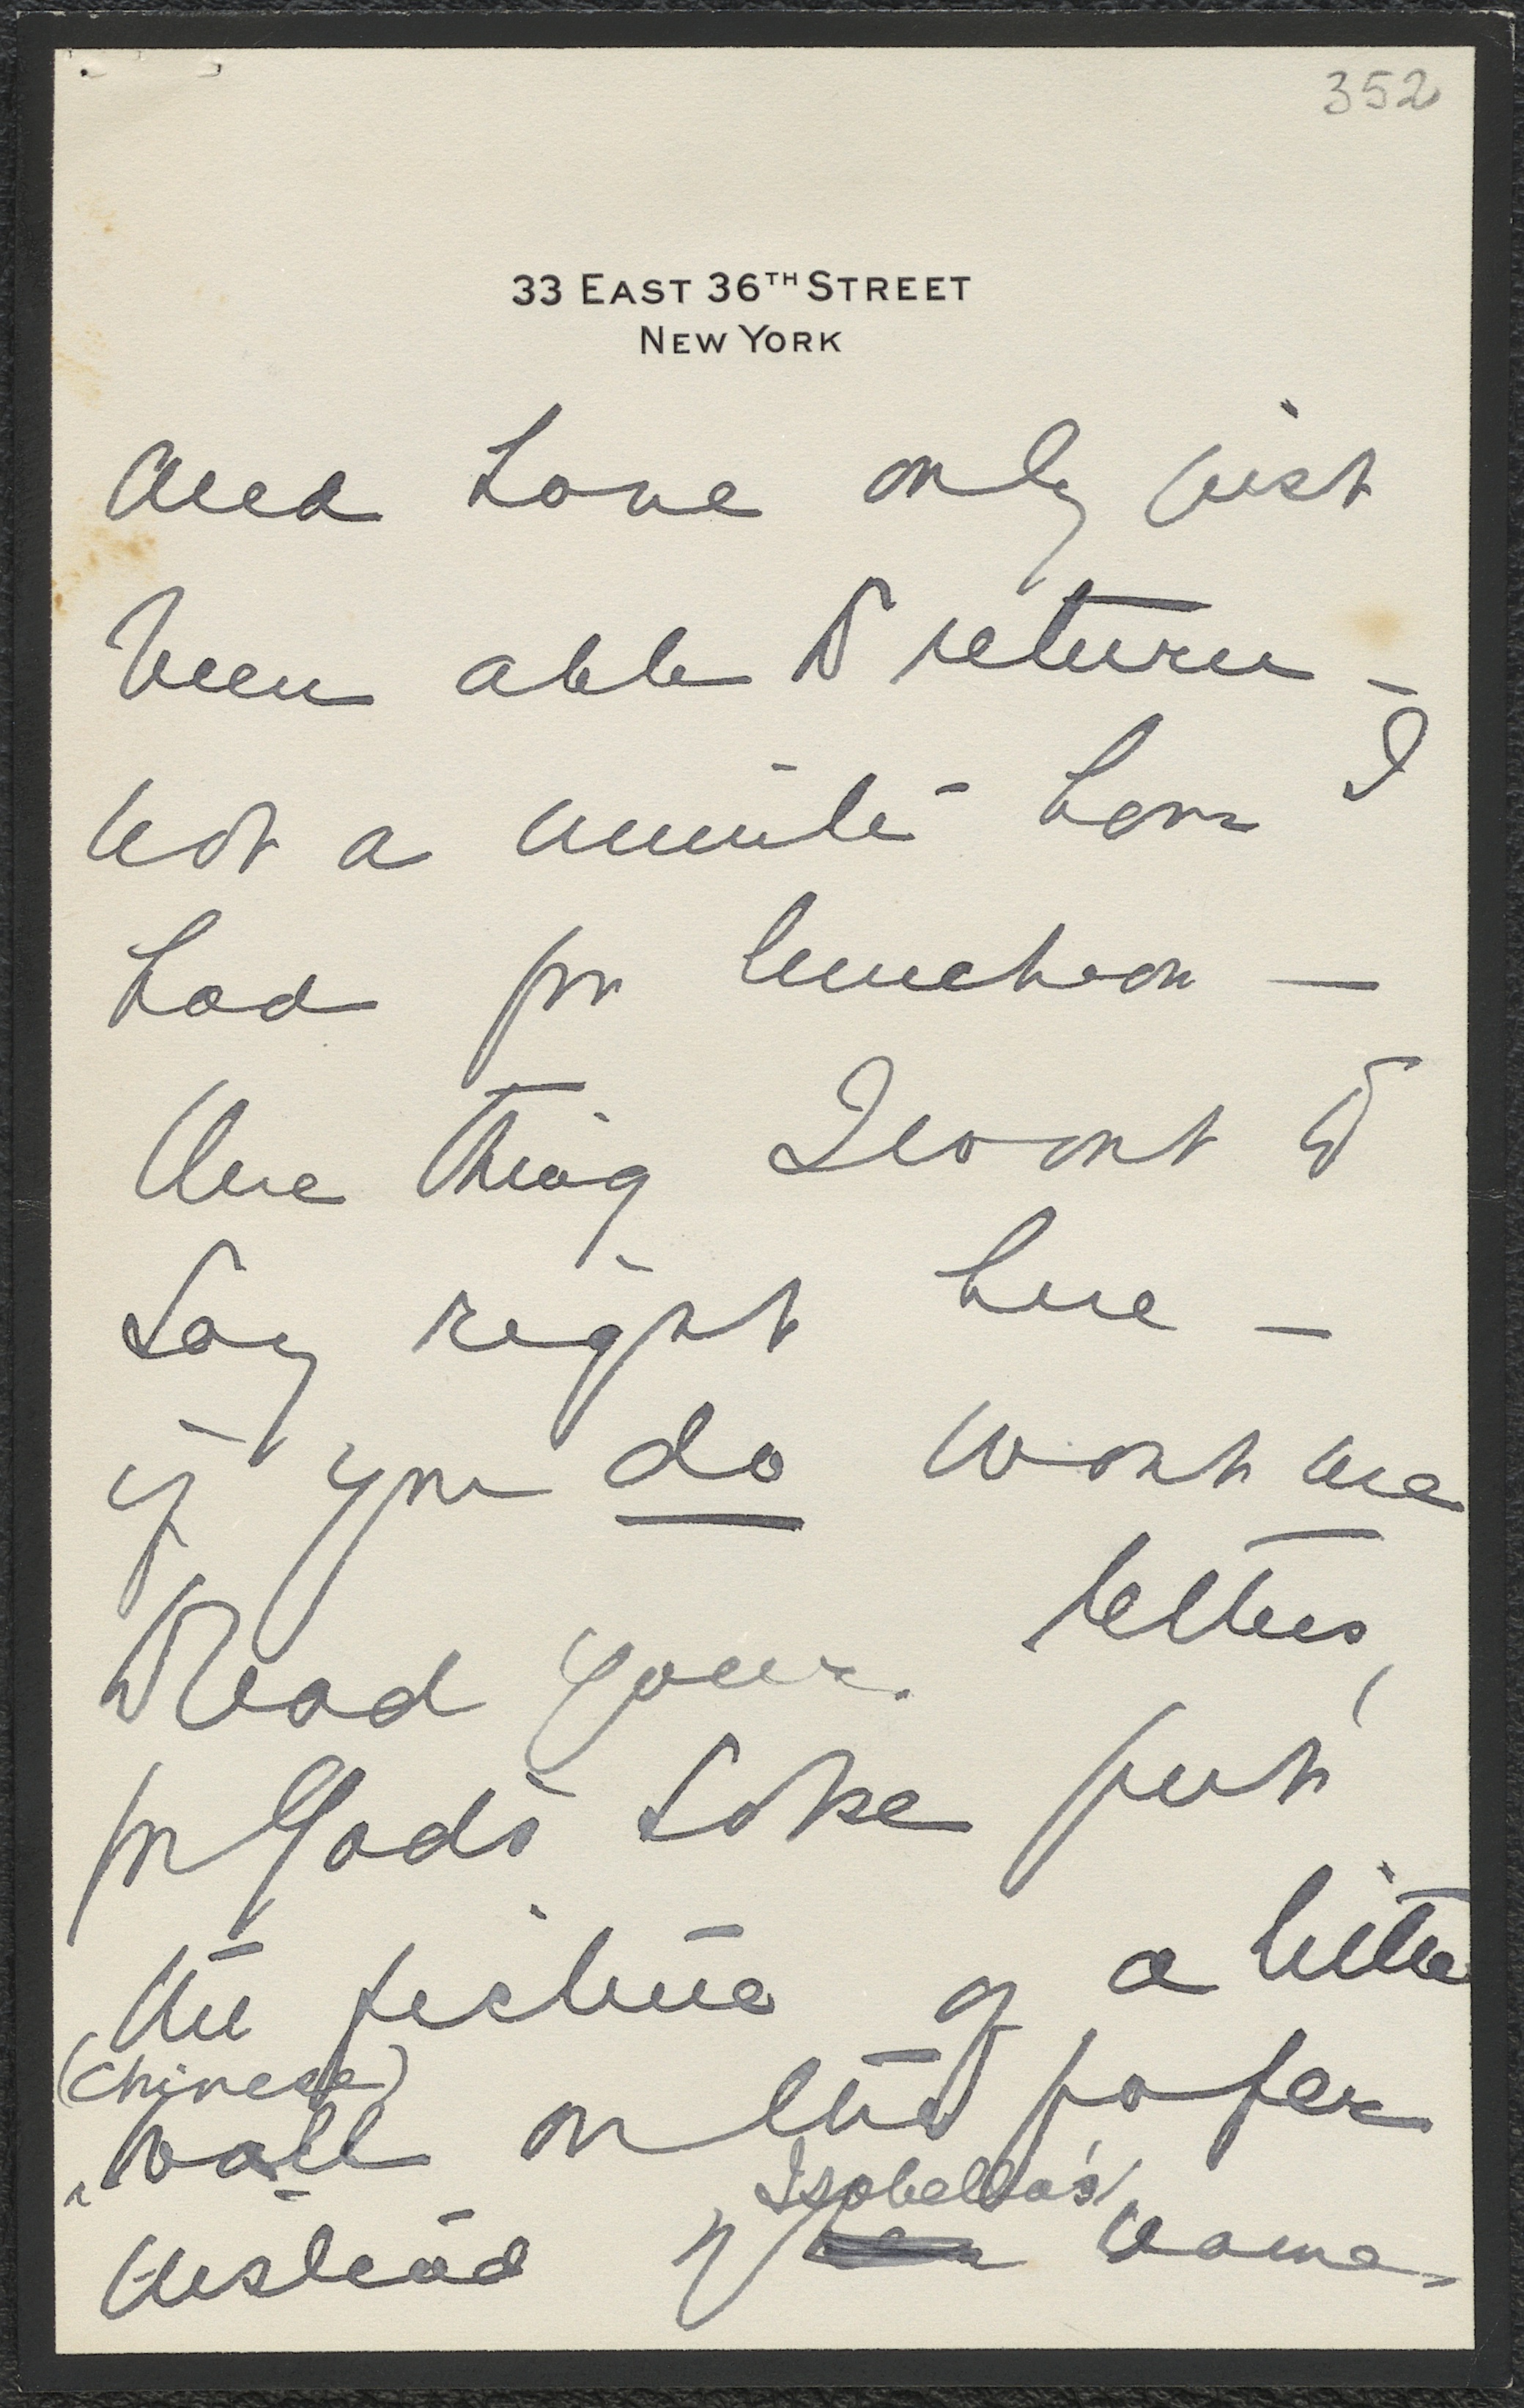and have only just been able to return – not a minute have I had for luncheon – One thing I want to say right here – if you do want me to read your letters for Gods Sake put the picture of a little [ˆ(Chinese)ˆ] Wall on the paper instead of [ˆIsabella’sˆ] her name